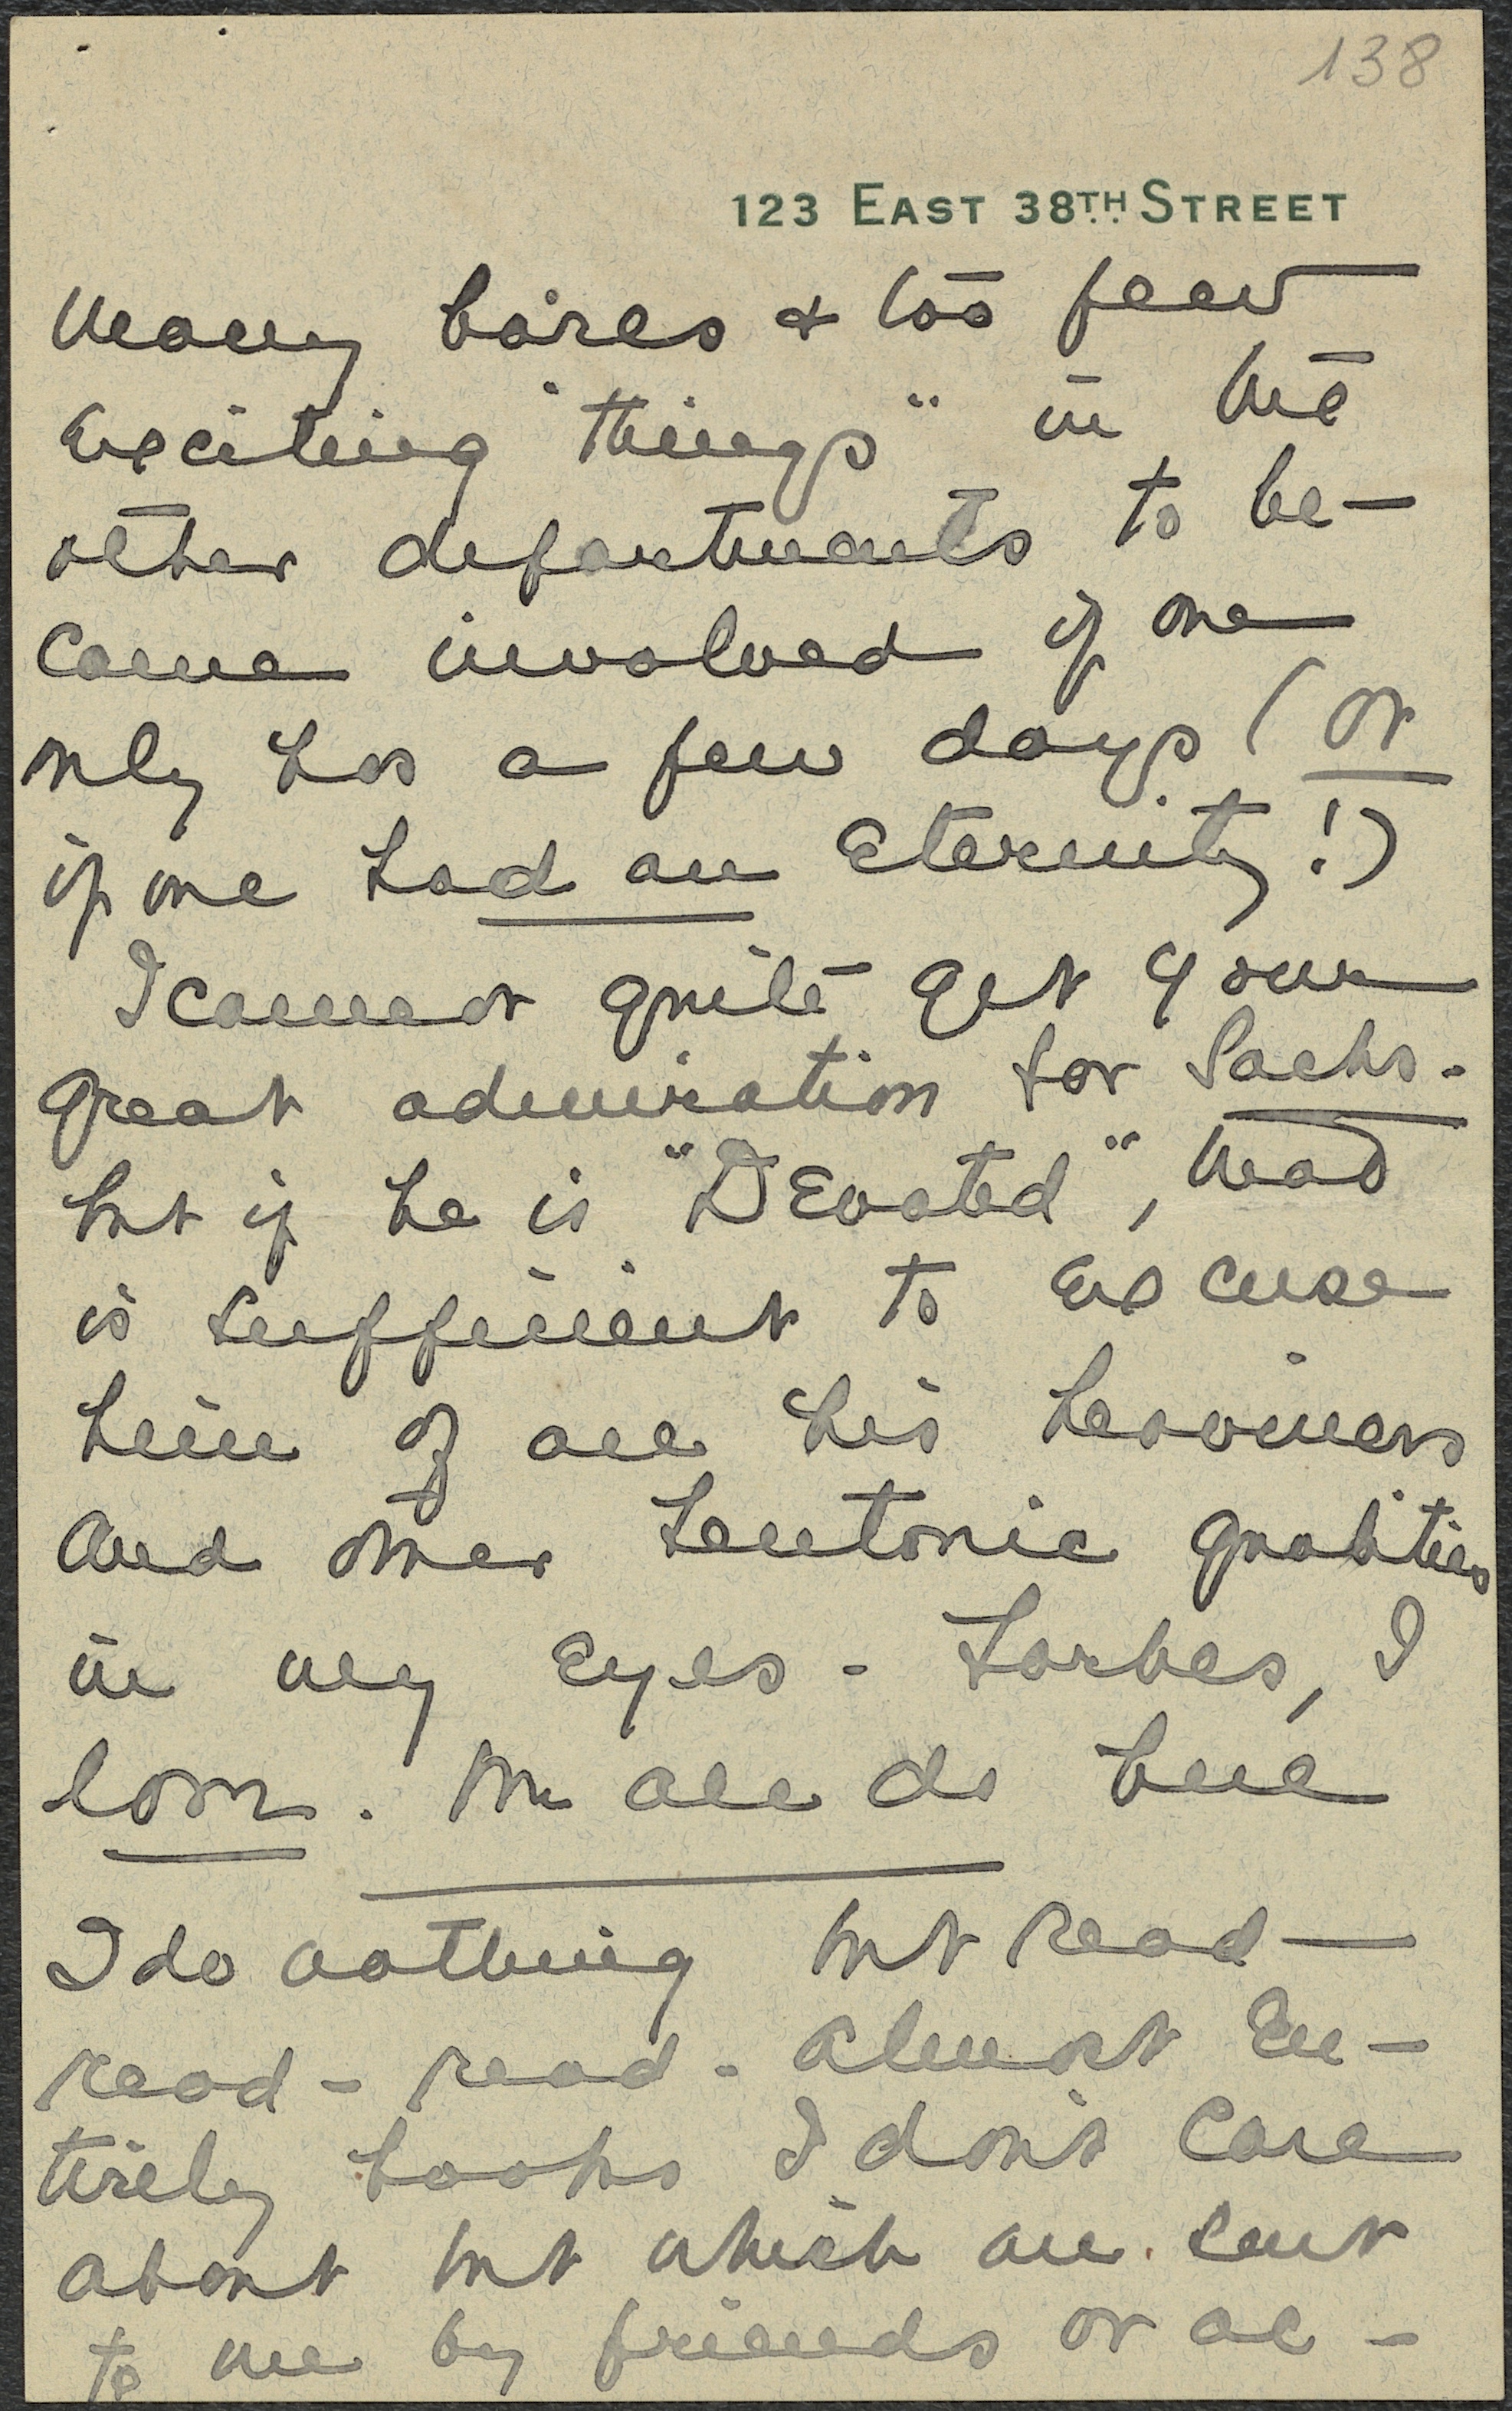many bores & too few exciting "things" in the other departments to become involved if one only has a few days (or if one had an Eternity!)
I cannot quite get your great admiration for Sachs – but if he is "Devoted", that is sufficient to excuse him of all his heaviness and other Teutonic qualities in my eyes. Forbes, I love. We all do here
I do nothing but read – read – read – almost entirely books I don't care about but which are sent to me by friends or acquaintances